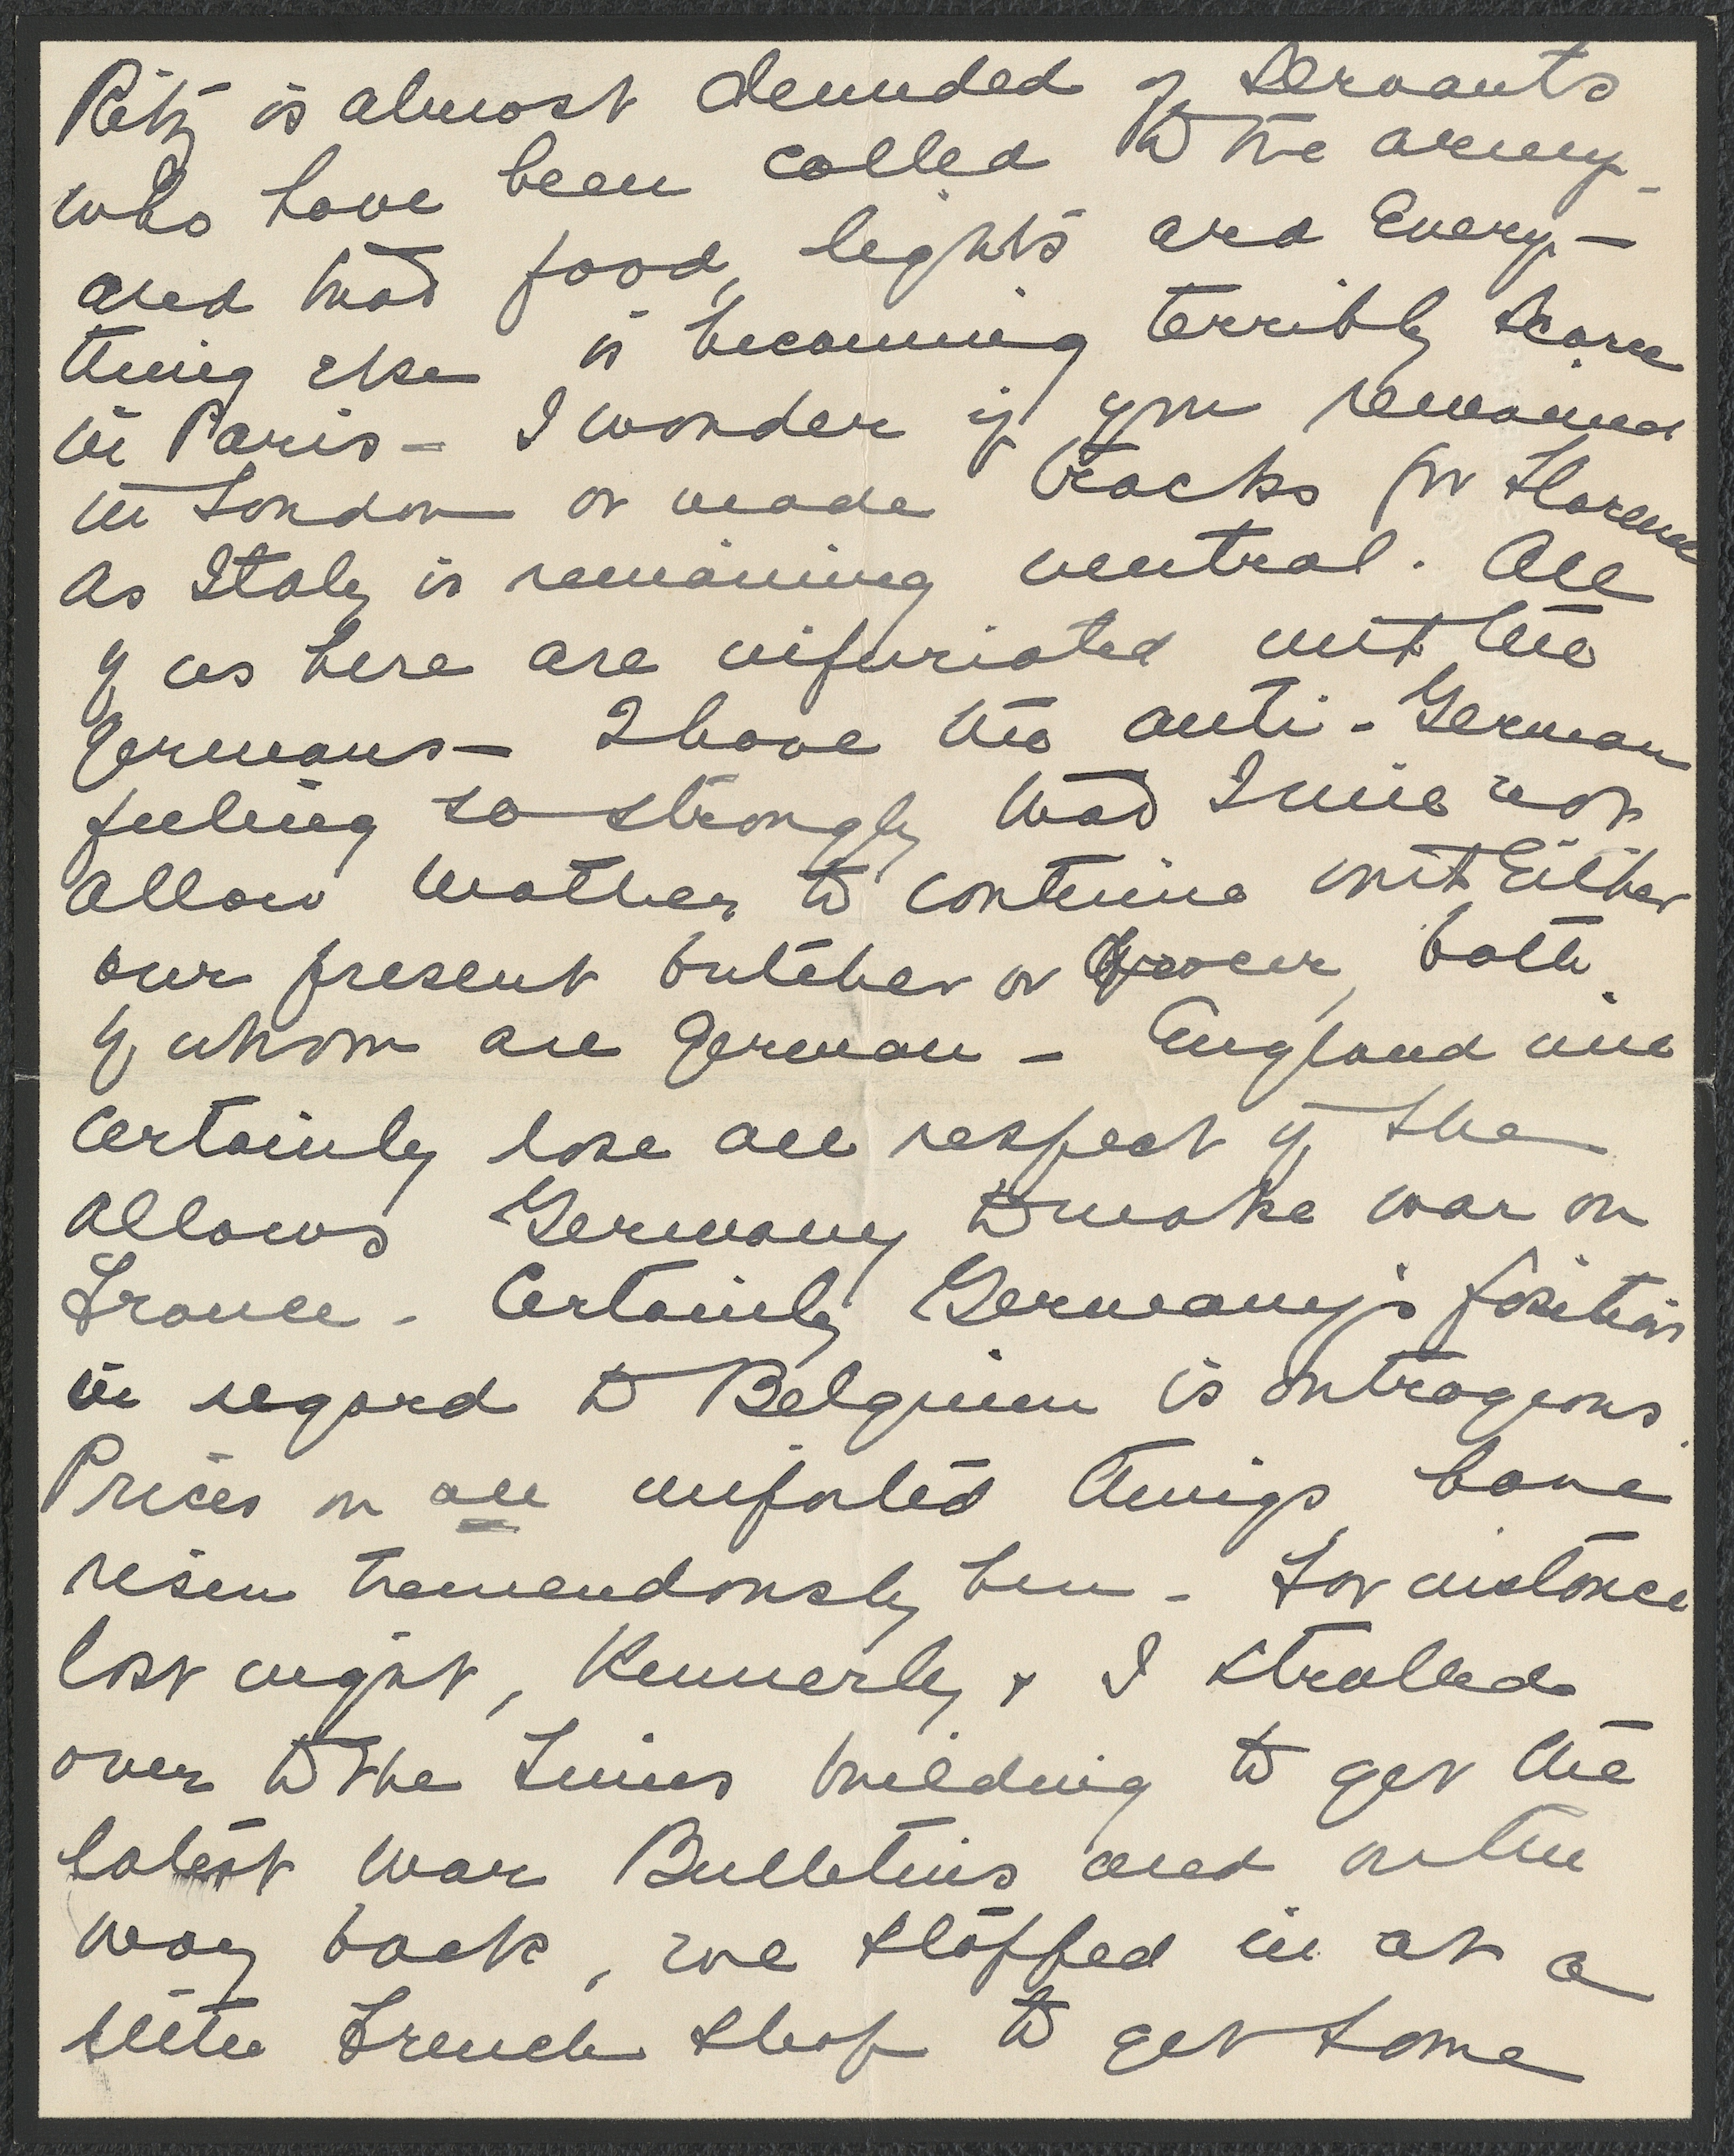Ritz is almost denuded of servants who have been called to the army – and that food, lights and everything else is becoming terribly scarce in Paris – I wonder if you remained in London or made tracks for Florence as Italy is remaining neutral. All of us here are infuriated with the Germans – I have the anti-German feeling so strongly that I will not allow Mother to continue with either our present butcher or grocer, both of whom are German – England will certainly lose all respect if she allows Germany to make war on France – Certainly Germany’s position in regard to Belgium is outrageous. Prices on all imported things have risen tremendously here – For instance last night, Kennerley & I strolled over to the Times building to get the latest War Bulletins and on the way back, we stopped in at a little brunch shop to get some